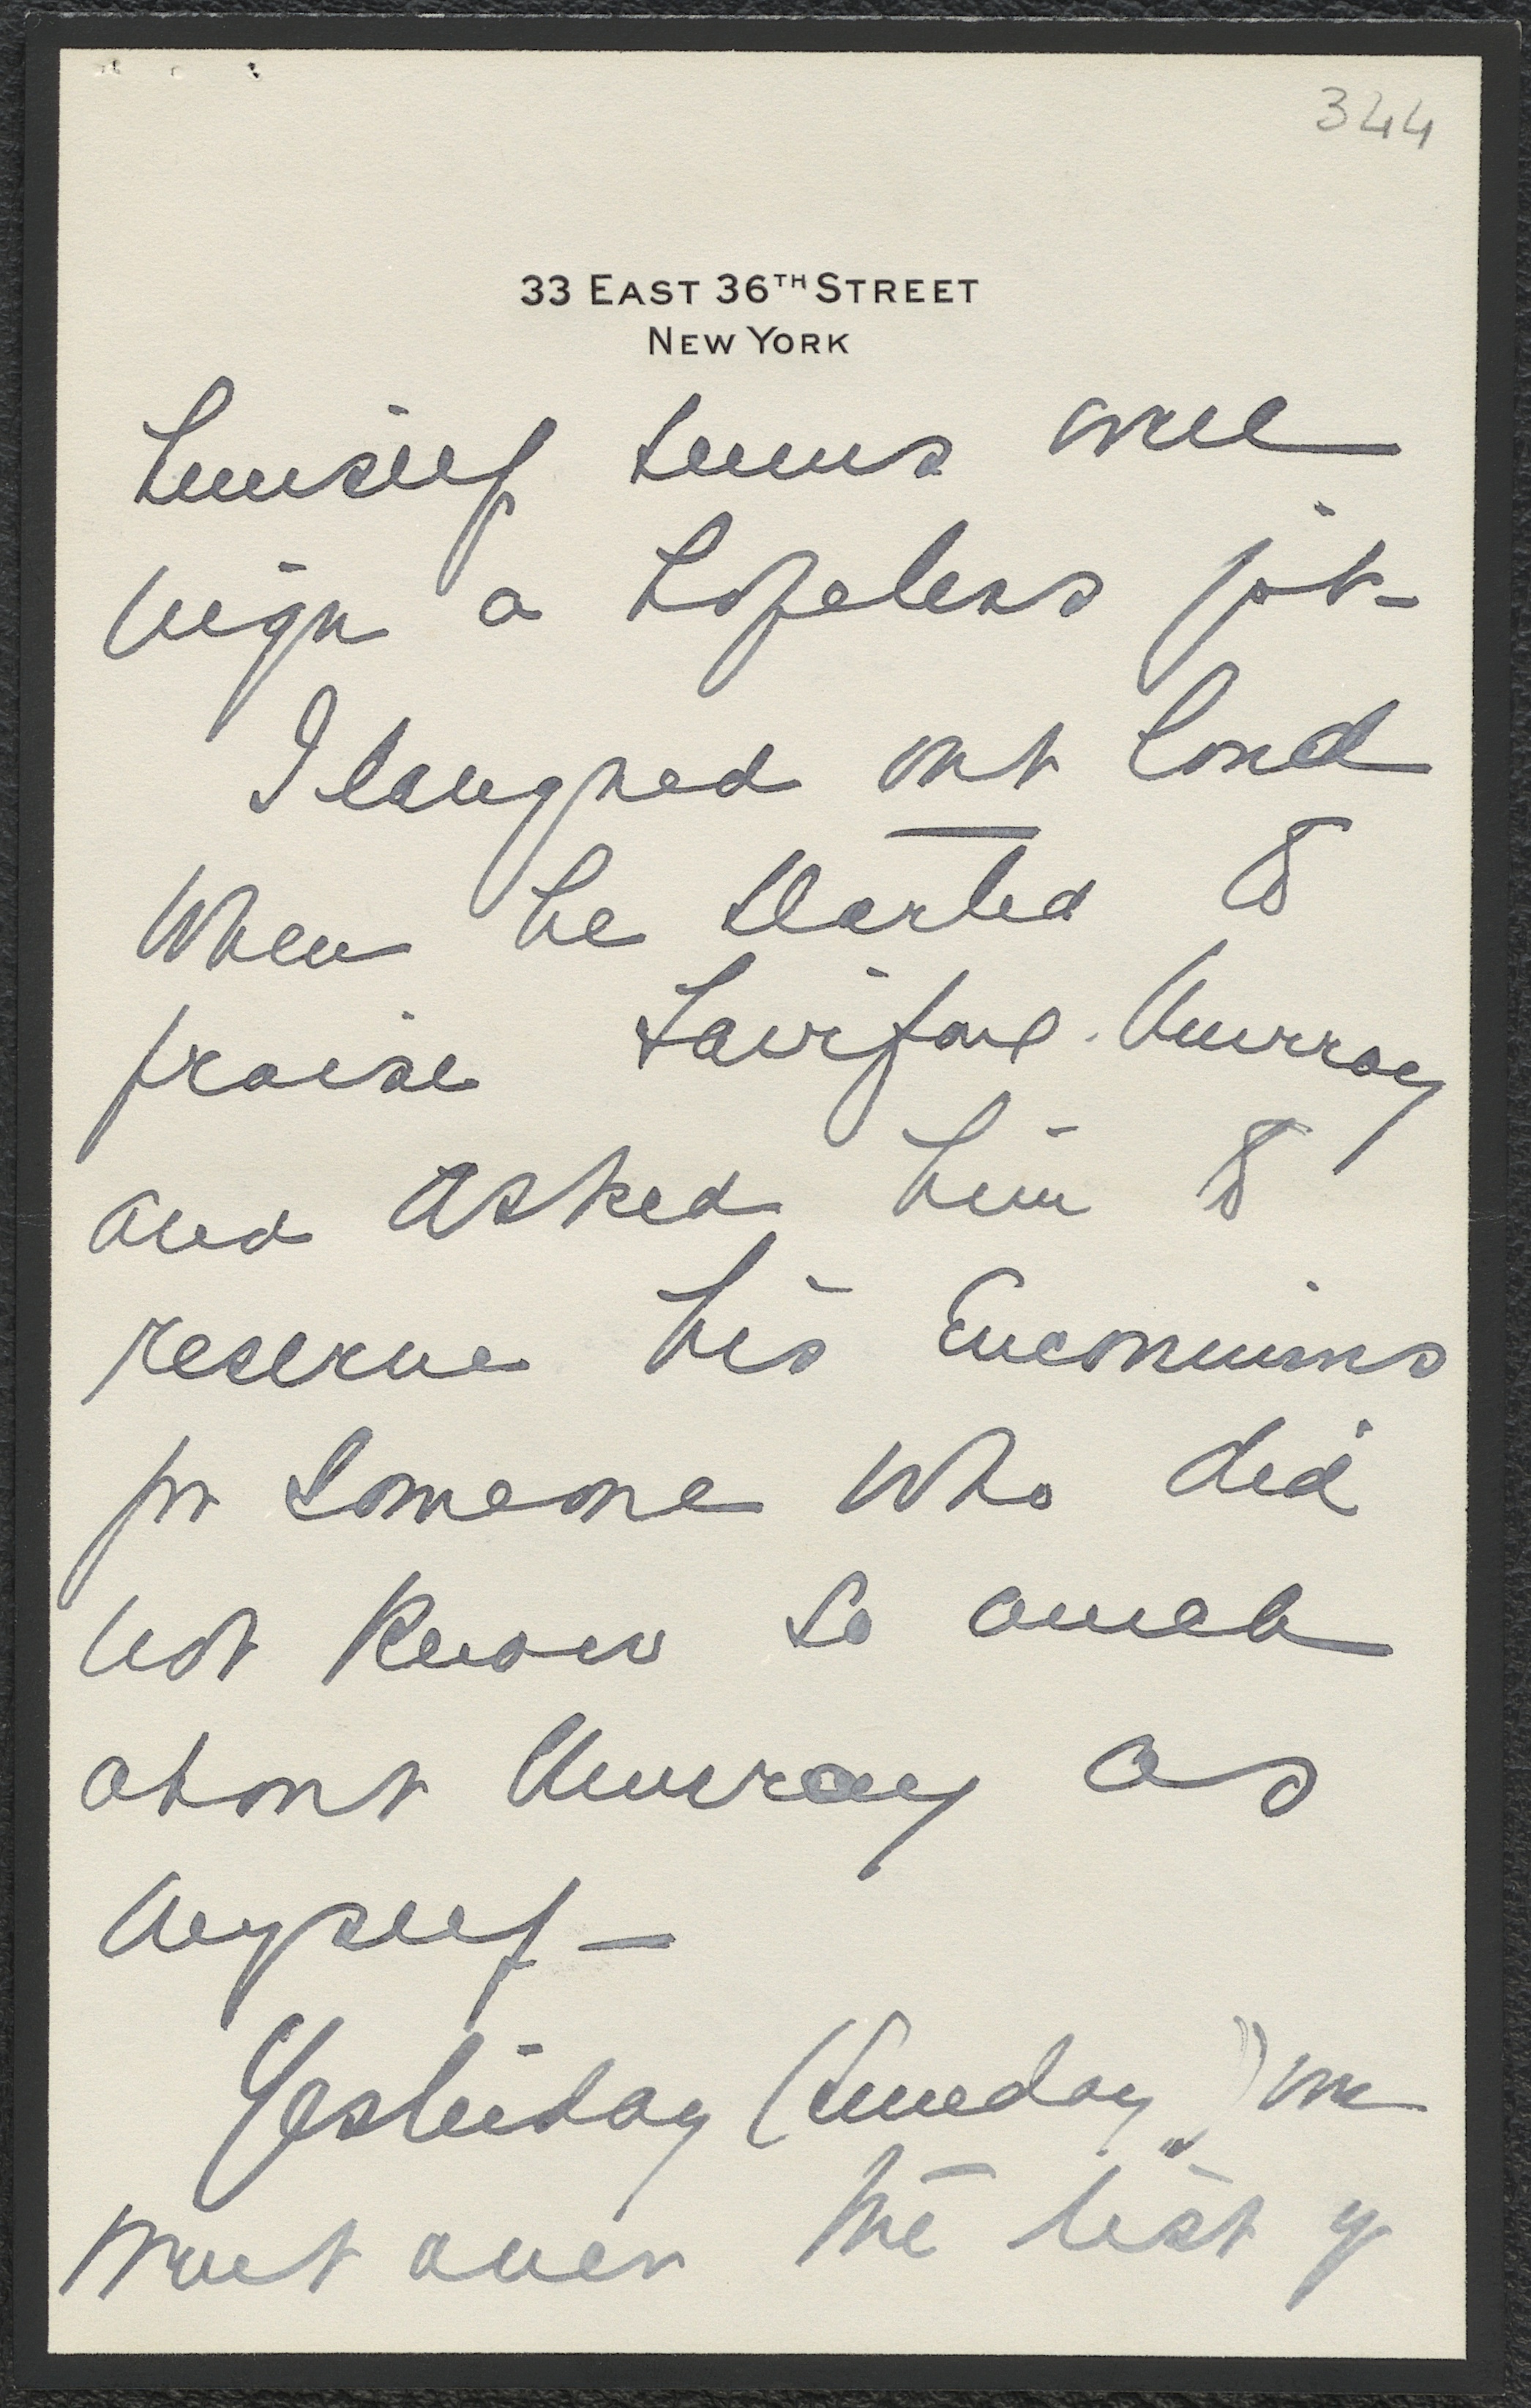himself seems well nigh a hopeless job –
I laughed out loud when he started to praise Fairfax Murray and asked him to reserve his encomiums for someone who did not know so much about Murray as myself –
Yesterday (Sunday) we went over the list of